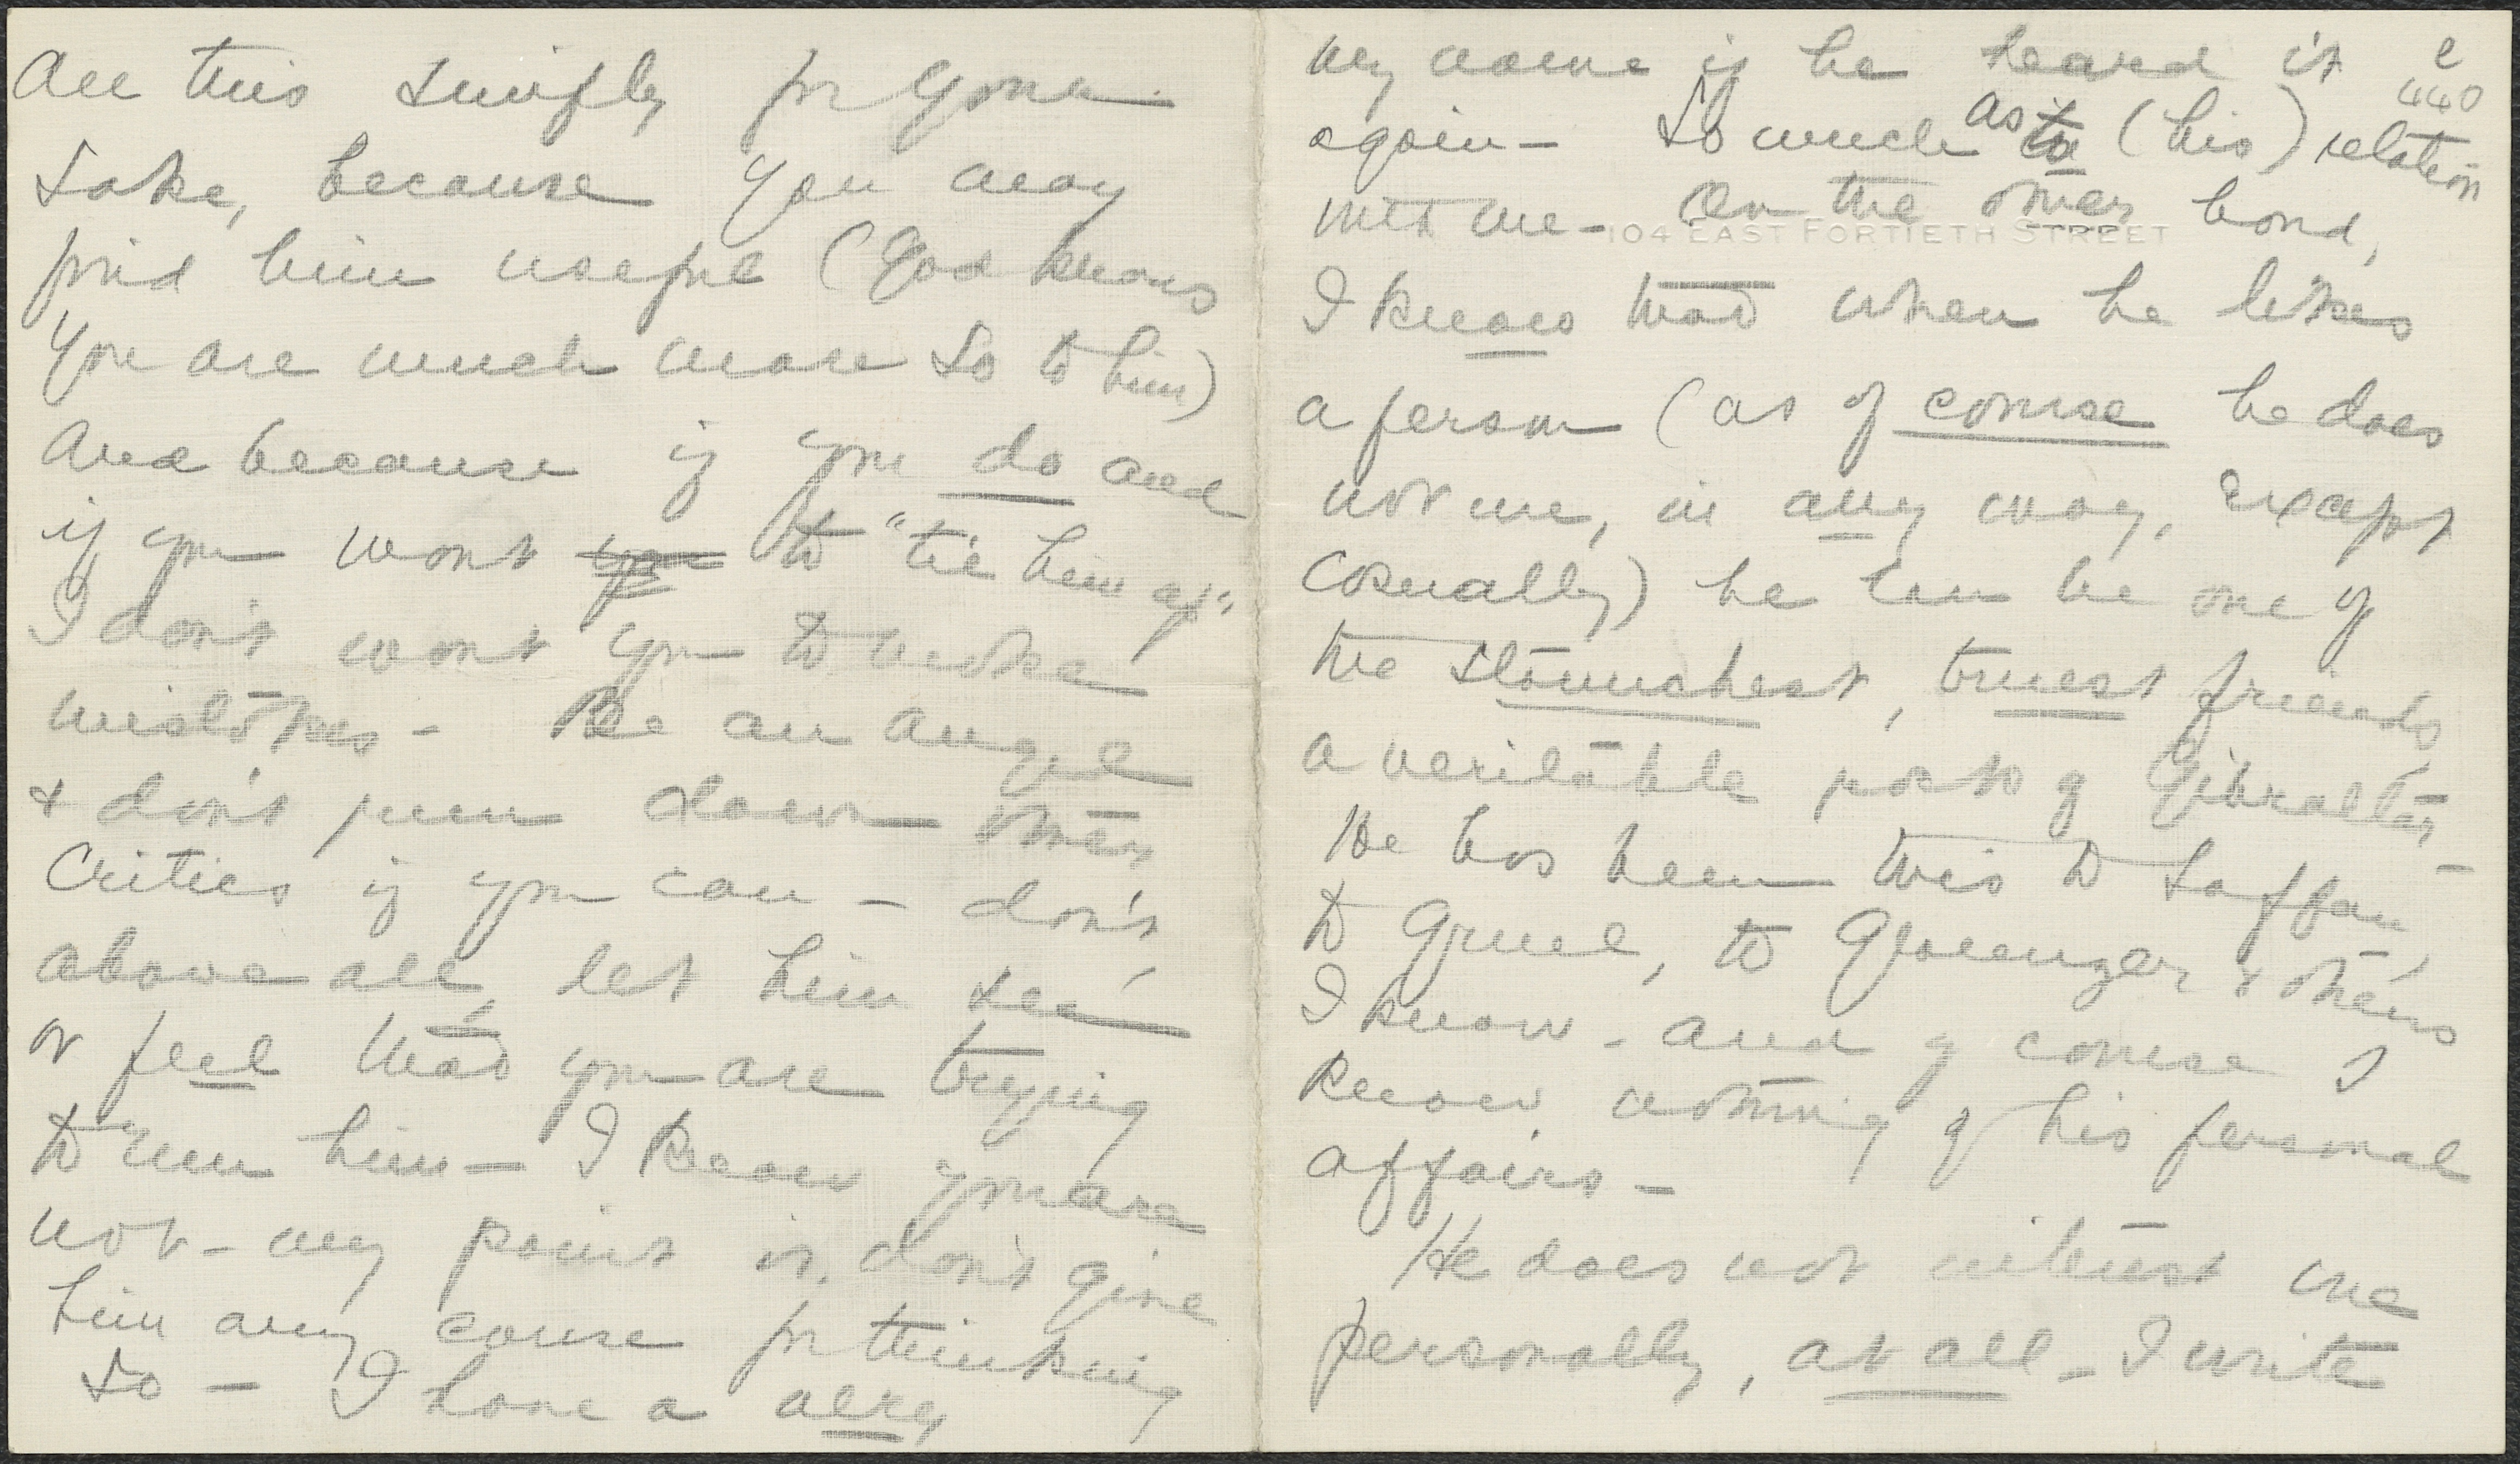my name if he heard it again – So much as to (his) relation with me – on the other hand, I know that when he likes a person (as of course he does not me, in any way, except casually) he can be one of the staunchest, truest friends, a veritable rock of Gibraltar – He has been this to Laffan, to Gruel, to Glaenzer & others. I know – and of course I know nothing of his personal affairs –
He does not interest me personally, at all, I write
all this simply for your sake, because you may find him useful (God knows you are much more so to him) and because if you do and if you want you to “tie him up” I don’t want you to make mistakes – Be an angel & don’t run down other critics if you can – don’t above all, let him see or feel that you are trying to run him – I know you are not – my point is don’t give him any cause for thinking so – I have a very